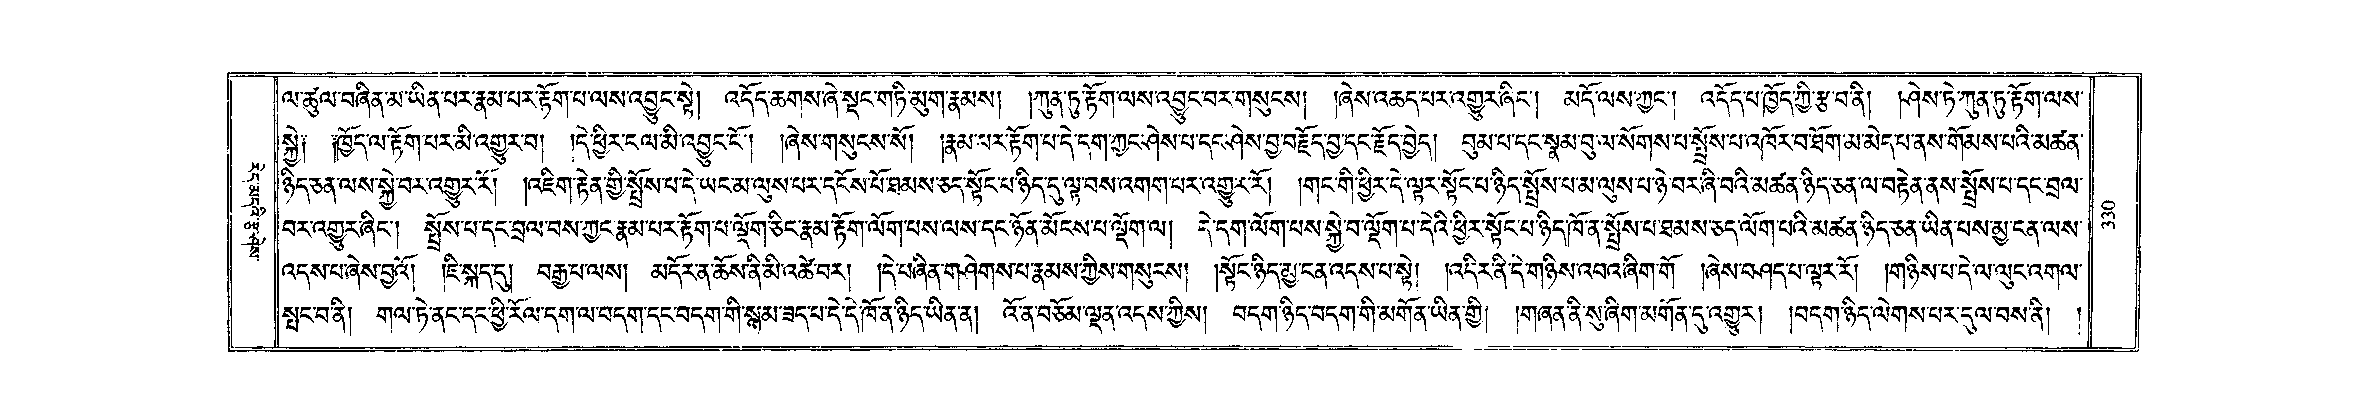ལ་ཚུལ་བཞིན་མ་ཡིན་པར་རྣམ་པར་རྟོག་པ་ལས་འབྱུང་སྟེ། འདོད་ཆགས་ཞེ་སྡང་གཏི་མུག་རྣམས། །ཀུན་ཏུ་རྟོག་ལས་འབྱུང་བར་གསུངས། །ཞེས་འཆད་པར་འགྱུར་ཞིང་། མདོ་ལས་ཀྱང་། འདོད་པ་ཁྱོད་ཀྱི་རྩ་བ་ནི། །ཤེས་ཏེ་ཀུན་ཏུ་རྟོག་ལས་
སྐྱེ༑ ༑ཁྱོད་ལ་རྟོག་པར་མི་འགྱུར་བ། །དེ་ཕྱིར་ངལ་མི་འབྱུང་ངོ། །ཞེས་གསུངས་སོ། །རྣམ་པར་རྟོག་པ་དེ་དག་ཀྱང་ཤེས་པ་དང་ཤེས་བྱ་བརྗོད་བྱ་དང་རྗོད་བྱེད། བུམ་པ་དང་སྣམ་བུ་ལ་སོགས་པ་སྤྲོས་པ་འཁོར་བ་ཐོག་མ་མེད་པ་ནས་གོམས་པའི་མཚན་
ཉིད་ཅན་ལས་སྐྱེ་བར་འགྱུར་རོ། །འཇིག་རྟེན་གྱི་སྤྲོས་པ་དེ་ཡང་མ་ལུས་པར་དངོས་པོ་ཐམས་ཅད་སྟོང་པ་ཉིད་དུ་ལྟ་བས་འགག་པར་འགྱུར་རོ། །གང་གི་ཕྱིར་དེ་ལྟར་སྟོང་པ་ཉིད་སྤྲོས་པ་མ་ལུས་པ་ཉེ་བར་ཞི་བའི་མཚན་ཉིད་ཅན་ལ་བརྟེན་ནས་སྤྲོས་པ་དང་བྲལ་
བར་འགྱུར་ཞིང་། སྤྲོས་པ་དང་བྲལ་བས་ཀྱང་རྣམ་པར་རྟོག་པ་ལྡོག་ཅིང་རྣམ་རྟོག་ལོག་པས་ལས་དང་ཉོན་མོངས་པ་ལྡོག་ལ། དེ་དག་ལོག་པས་སྐྱེ་བ་ལྡོག་པ་དེའི་ཕྱིར་སྟོང་པ་ཉིད་ཁོ་ན་སྤྲོས་པ་ཐམས་ཅད་ལོག་པའི་མཚན་ཉིད་ཅན་ཡིན་པས་མྱ་ངན་ལས་
འདས་པ་ཞེས་བྱའོ། །ཇི་སྐད་དུ། བརྒྱ་པ་ལས། མདོར་ན་ཆོས་ནི་མི་འཚེ་བར། །དེ་བཞིན་གཤེགས་པ་རྣམས་ཀྱིས་གསུངས། །སྟོང་ཉིད་མྱ་ངན་འདས་པ་སྟེ། །འདིར་ནི་དེ་གཉིས་འབའ་ཞིག་གོ །ཞེས་བཤད་པ་ལྟར་རོ། །གཉིས་པ་དེ་ལ་ལུང་འགལ་
སྤང་བ་ནི། གལ་ཏེ་ནང་དང་ཕྱི་རོལ་དག་ལ་བདག་དང་བདག་གི་སྙམ་ཟད་པ་དེ་དེ་ཁོ་ན་ཉིད་ཡིན་ན། འོ་ན་བཅོམ་ལྡན་འདས་ཀྱིས། བདག་ཉིད་བདག་གི་མགོན་ཡིན་གྱི། །གཞན་ནི་སུ་ཞིག་མགོན་དུ་འགྱུར། །བདག་ཉིད་ལེགས་པར་དུལ་བས་ནི། །